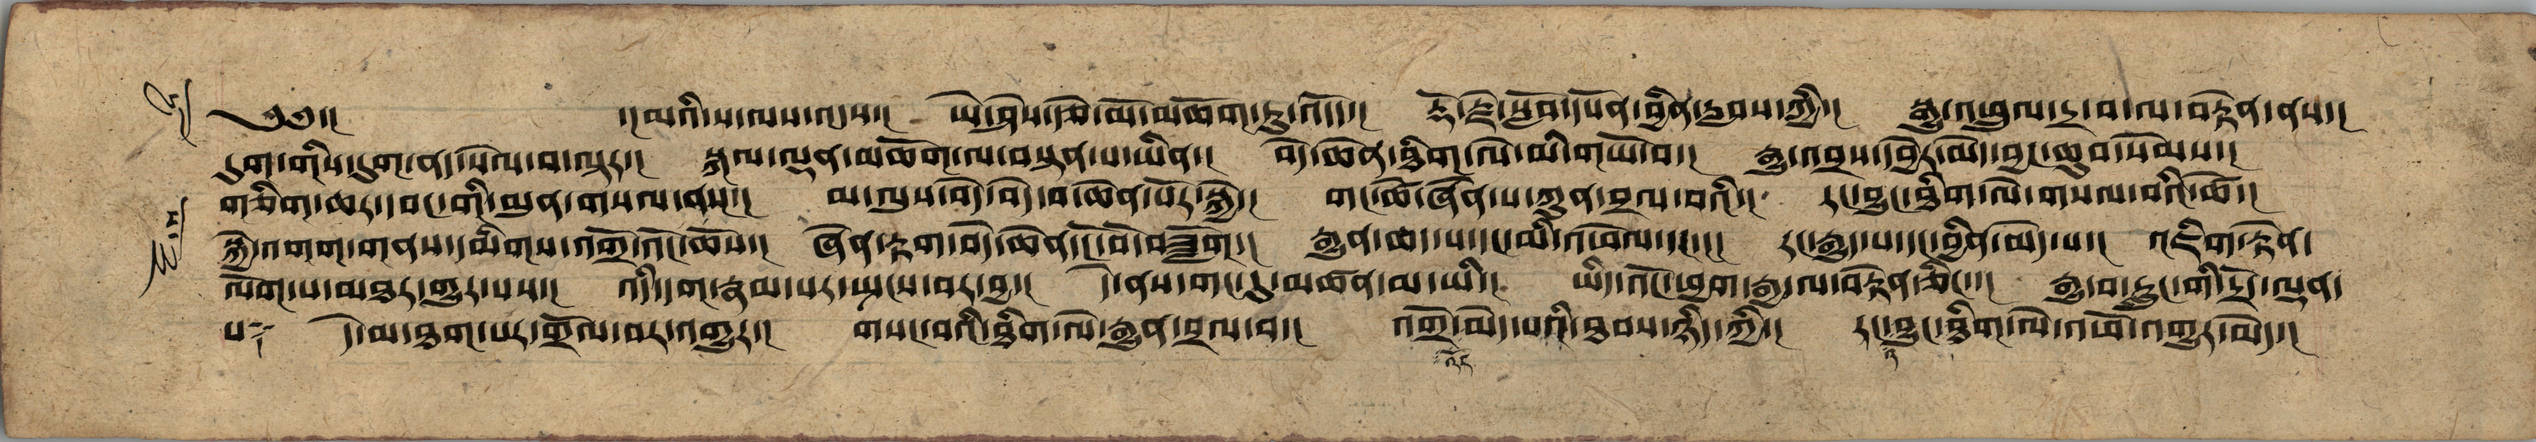༄༅་། ་།མའི་ས་ལས་འདས་། ཡེ་ཤེས་རྩེ་མོ་མཆོག་ཏུ་འདོད་། རྡོ་རྗེ་སློབ་དཔོན་བྱིན་རླབས་ཀྱི་། སྒྱུ་འཕྲུལ་དྲ་བ་ལ་བརྟེན་ནས་།
དུག་གིས་དུག་ནད་སེལ་བ་ལྟར་། སྐལ་ལྡན་མཆོག་ལ་བསྟན་པ་ཡིན་། བདེ་ཆེན་ཐིག་ལེ་མི་གཡོ་བ་། རྒྱུ་འབྲས་དབྱེར་མེད་བྱང་ཆུབ་སེམས་།
གཅིག་ཆར་དབང་གི་མུན་གསལ་ནས་། མ་ལུས་བདེ་བདེ་བ་ཆེན་པོར་སྐྱེ་། གང་ཚེ་ཞེན་པ་ཀུན་བྲལ་བའི་། རང་བྱུང་ཐིག་ལེ་གསལ་བའི་ཚེ་།
སྐྱེ་འགག་གནས་དམིགས་འགྲོ་འོང་ཆོས་། ཞེན་རྟག་བདེ་ཆེན་ངོ་བོ་བཟློག་། རྒྱུན་ཆད་པ་དང་མི་འཕེལ་དང་་། རང་རྒྱུད་པ་དང་བྱིན་མེད་པ་། འཇིག་རྟེན་
ལོག་པ་མཐར་གྱུར་པས་། འདི་དག་རྣམ་པར་སྤངས་བར་བྱ་། དེ་ནས་གང་དུ་མཚན་མ་ཡི་། ཡིད་འོང་ཕྱག་རྒྱ་ལ་བརྟེན་ཅིང་་། རྒྱུ་བ་རླུང་གི་དྲོད་ལྡན་
པ༑ དེ་མ་ཐག་པར་གྲོལ་བར་འགྱུར་། གསང་བའི་ཐིག་ལེ་རྒྱུན་བྲལ་བ་། འགྲོ་མེད་པའི་ཐབས་ཉིད་ཀྱི་། རང་བྱུང་ཐིག་ལེ་འཕོ་འགྱུར་མེད་།